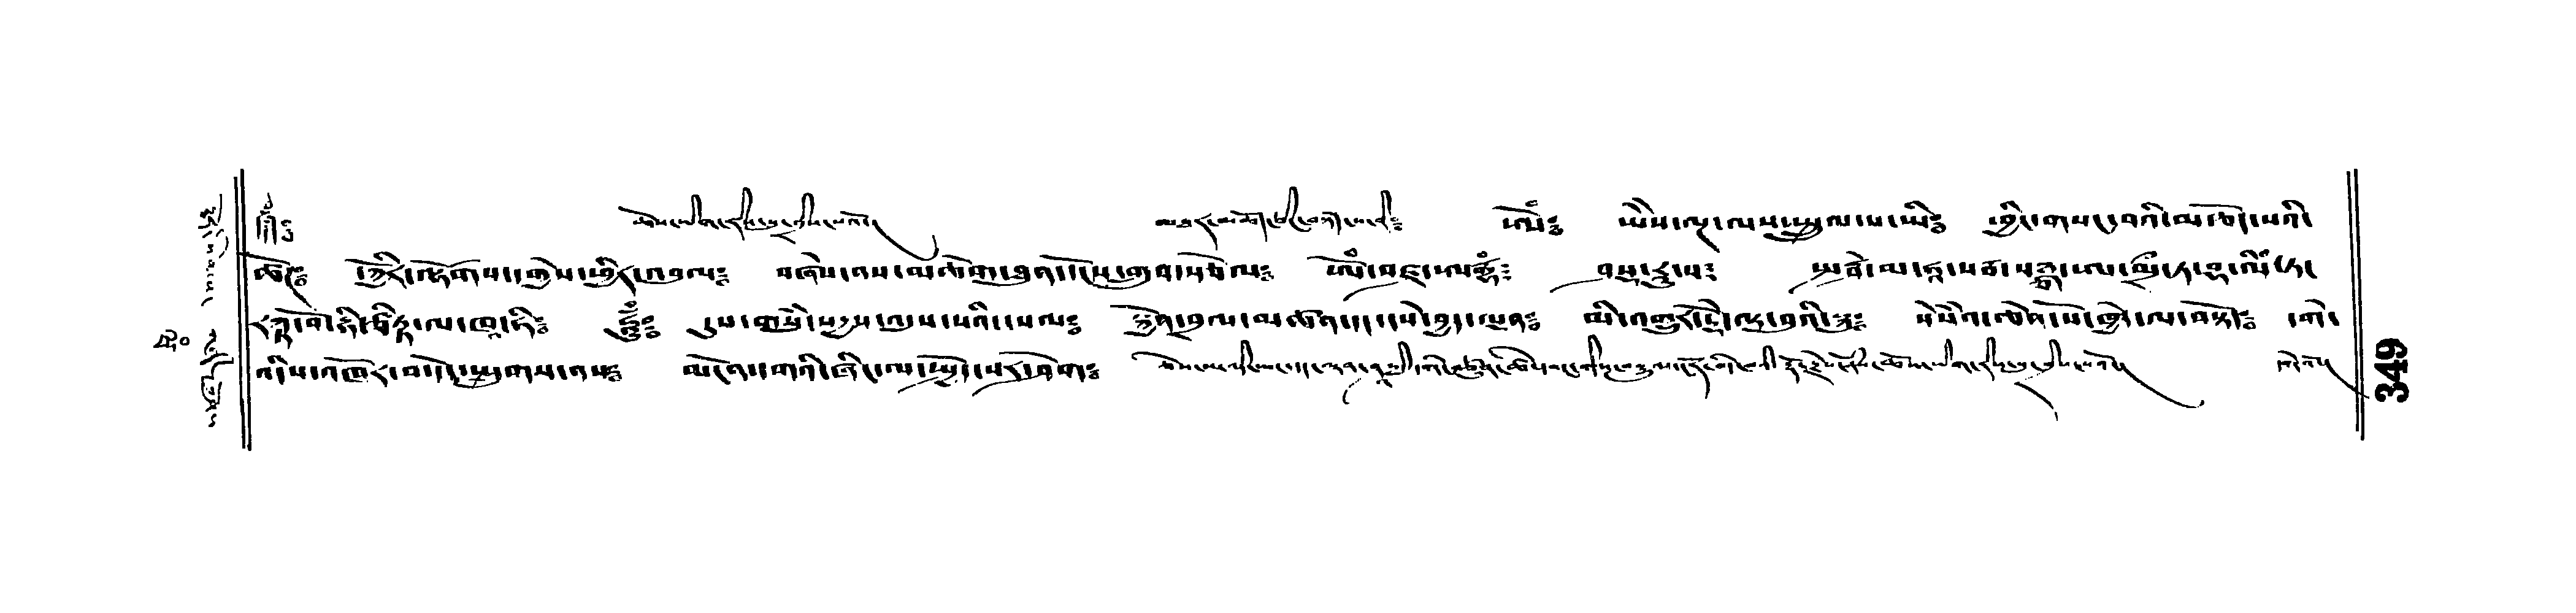ཆོས་ཡིག་རིས་སུ་བྲིས་པའོ།། མཐར་མཆོད་ཅིང་བསྟོད་པ་ནི༔ ཨོཾ༔ ཡེ་ཤེས་ལྔ་ལས་སྤྲུལ་པ་ཡི༔ ཕྱི་ནང་གསང་བའི་མཆོད་པའི་
ཚོགས༔ དཀྱིལ་འཁོར་ལྷ་ཚོགས་དགྱེས་ཕྱིར་འབུལ༔ བཞེས་ནས་མཆོག་ཐུན་དངོས་གྲུབ་སྩོལ༔ ཨོཾ་བཛྲ་ཨརྒྷཾ༴ ཤཔྡ་རཱུ་པ༴ སྤརྴེ་མ་ཧཱ་སརྦ་པཉྪ་ཨ་མྲྀ་ཏ་བྷ་ལིཾ་ཏ་
རཀྟ་བོ་དྷི་ཙིཏྟ་ལ་ཁཱ་ཧི༔ ཧཱུྃ༔ དུས་གསུམ་སངས་རྒྱས་འདུས་པའི་དཔལ༔ སྐྱོན་བྲལ་མཚན་དང་དཔེ་བྱད་ལྡན༔ མི་འགྱུར་རྡོ་རྗེ་ལྟ་བུའི་སྐུ༔ སེམས་དཔའ་ཆེན་པོ་ཁྱེད་ལ་བསྟོད༔ དགེ་
འདིས་འཁོར་བ་དོང་སྤྲུགས་ནས༔ མངོན་དགའི་ཞིང་ལ་སྤྱོད་པར་ཤོག༔ ཅེས་པ་འདི་ཡང་དད་ལྡན་ཤཱཀྱའི་དགེ་བཙུན་ཚེ་དབང་གིས་བསྐུལ་ངོར་བདེ་བའི་རྡོ་རྗེས་ཉམས་ཆོས་ཡིག་རིས་སུ་བྲིས་པའོ།།